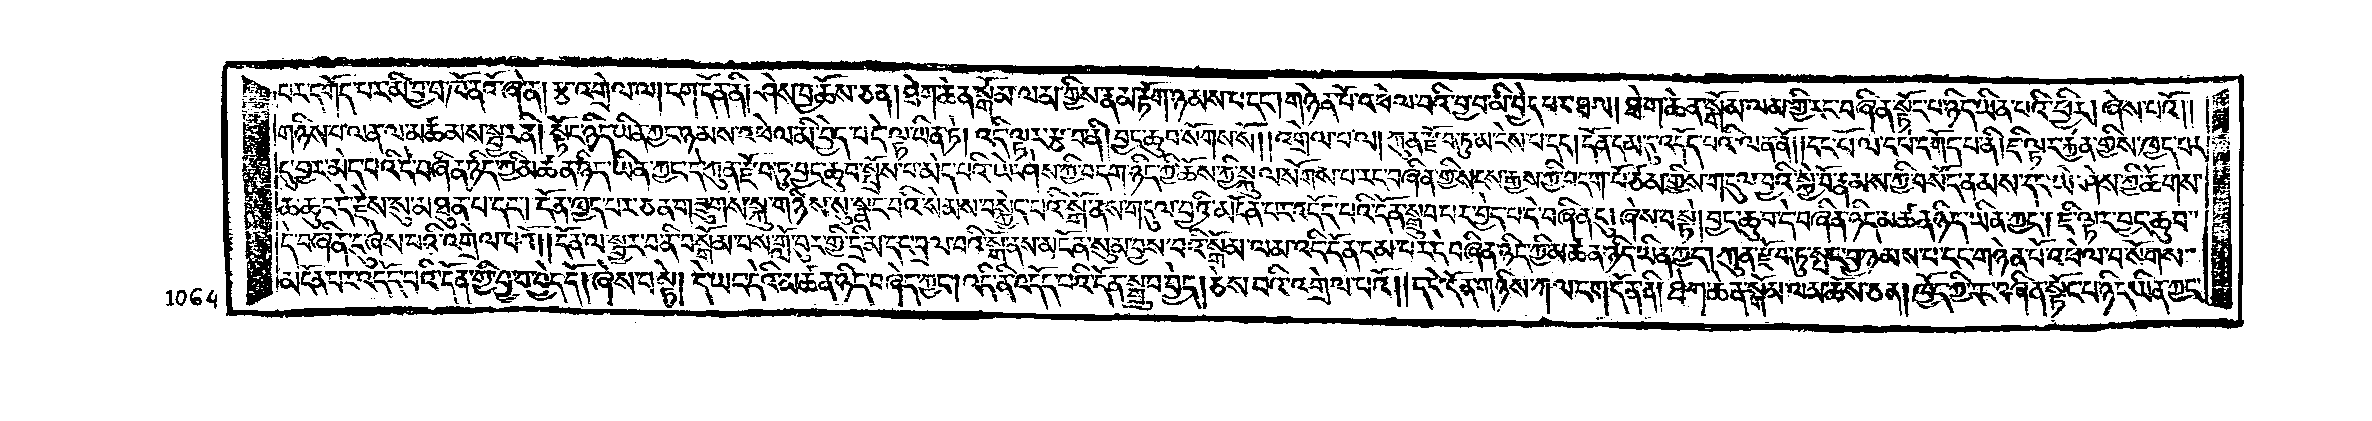པར་དགོད་པར་མི་བྱ་བ་ཁོ་ནའོ་ཞེ་ན། རྩ་འགྲེལ་ལ། ངག་དོན་ནི། ཤེས་བྱ་ཆོས་ཅན། ཐེག་ཆེན་སྒོམ་ལམ་གྱིས་རྣམ་རྟོག་ཉམས་པ་དང་། གཉེན་པོ་འཕེལ་བའི་བྱ་བ་མི་བྱེད་པར་ཐལ། ཐེག་ཆེན་སྒོམ་ལམ་གྱི་རང་བཞིན་སྟོང་པ་ཉིད་ཡིན་པའི་ཕྱིར། ཞེས་པའོ། །
གཉིས་པ་ལན་ལ་མཚམས་སྦྱར་ནི། སྟོང་ཉིད་ཡིན་ཀྱང་ཉམས་འཕེལ་མི་བྱེད་པ་དེ་ལྟ་ཡིན་ཏེ། འདི་ལྟར་རྩ་བ་ནི། བྱང་ཆུབ་སོགས་སོ། །འགྲེལ་བ་ལ། ཀུན་རྫོབ་ཏུ་མ་ངེས་པ་དང་། དོན་དམ་དུ་འདོད་པའི་ལན་ནོ། །དང་པོ་ལ་དཔེ་དགོད་པ་ནི། ཇི་ལྟར་རྐྱེན་གྱིས་ཁྱད་པར་
དུ་བྱར་མེད་པའི་དེ་བཞིན་ཉིད་ཀྱི་མཚན་ཉིད་ཡིན་ཀྱང་དེ་ཀུན་རྫོབ་ཏུ་བྱང་ཆུབ་སྤྲོས་པ་མེད་པའི་ཡེ་ཤེས་ཀྱི་བདག་ཉིད་ཀྱི་ཆོས་ཀྱི་སྐུ་ལ་སོགས་པ་རང་བཞིན་གྱི་སངས་རྒྱས་ཀྱི་བདག་པོ་ཙམ་གྱིས་གདུལ་བྱའི་སྐྱེ་བོ་རྣམས་ཀྱི་བསོད་ནམས་དང་ཡེ་ཤེས་ཀྱི་ཚོགས་
ཆ་ཆུང་དེ་རྗེས་སུ་མཐུན་པ་དང་། དོན་ཁྱད་པར་ཅན་གཟུགས་སྐུ་གཉིས་སུ་སྣང་བའི་སྨེས་བསྐྱེད་པའི་སྒོ་ནས་གདུལ་བའི་མངོན་པར་འདོད་པའི་དོན་སྒྲུབ་པར་བྱེད་པ་དེ་བཞིན་དུ། ཞེས་པ་སྟེ། བྱང་ཆུབ་དེ་བཞིན་ཉིད་མཚན་ཉིད་ཡིན་ཀྱང་། ཇི་ལྟར་བྱང་ཆུབ་
དེ་བཞིན་དུ་ཞེས་པའི་འགྲེལ་པའོ། །དོན་ལ་སྦྱར་བ་ནི་བསྒོམ་པས་གློ་བུར་གྱི་དྲི་མ་དང་བྲལ་བའི་སྒོ་ནས་མངོན་སུམ་བྱས་པའི་སྒོམ་ལམ་འདི་དོན་དམ་པར་དེ་བཞིན་ཉིད་ཀྱི་མཚན་ཉིད་ཡིན་ཀྱང་། ཀུན་རྫོབ་ཏུ་སྤང་བྱ་ཉམས་པ་དང་གཉེན་པོ་འཕེལ་བ་སོགས་
མངོན་པར་འདོད་པའི་དོན་གྱི་བྱ་བ་བྱེད་དོ། ཞེས་བ་སྟེ། དེ་ཡང་དེའི་མཚན་ཉིད་བཞེད་ཀྱང་། འདི་ནི་འདོད་པའི་དོན་སྒྲུབ་བྱེད། ཅེས་པའི་འགྲེལ་པའོ། །དངེ་དོན་གཉིས་ཀ་ལ་ངག་དོན་ནི། ཐེག་ཆེན་སྒོམ་ལམ་ཆོས་ཅན། ཁྱོད་ཀྱི་རང་བཞིན་སྟོང་པ་ཉིད་ཡིན་ཀྱང་